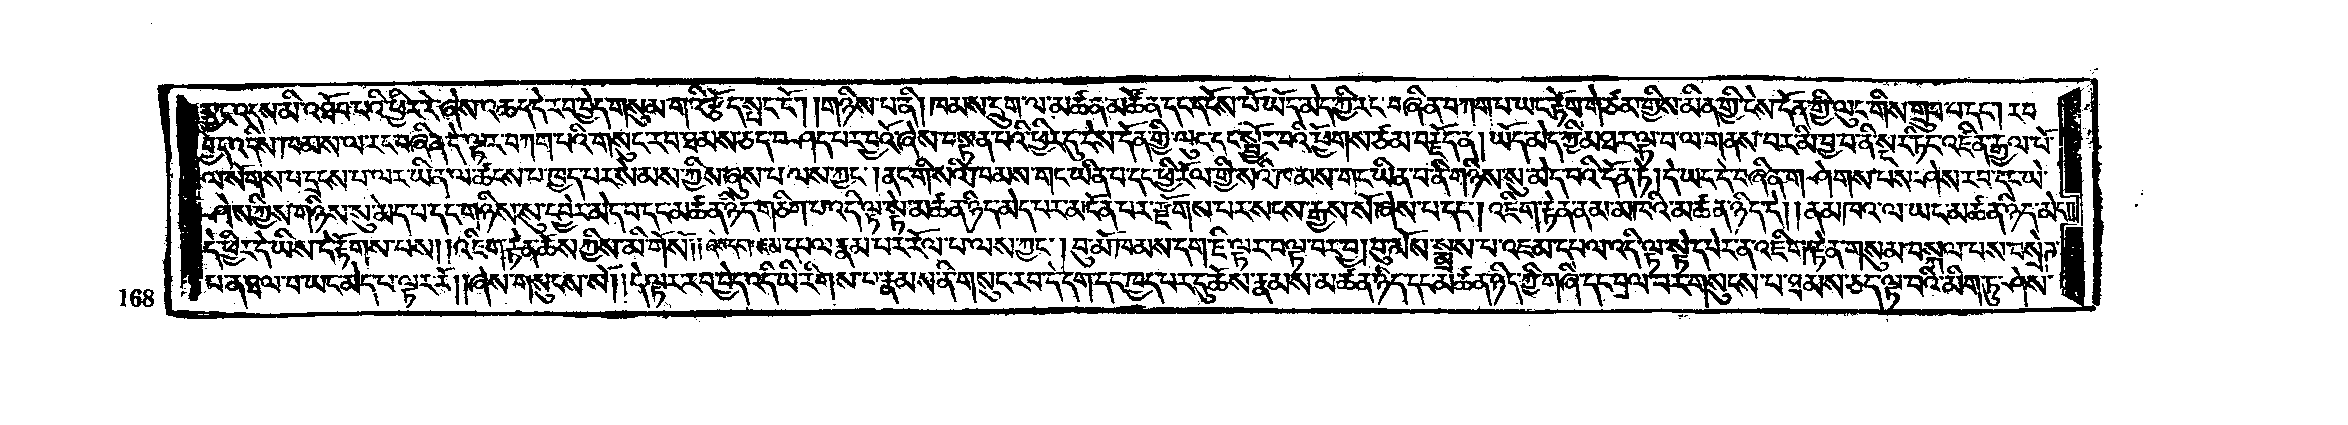མྱང་འདས་པ་མི་འཐོབ་པའི་ཕྱིར་རེ་ཞེས་འཆད་དེ་རབ་བྱེད་གསུམ་གའི་རྩོད་སྤང་ངོ། །གཉིས་པ་ནི། ཁམས་དྲུག་ལ་མཚན་མཚོན་དང་དངོས་པོ་ཡོད་མེད་ཀྱི་རང་བཞིན་བཀག་པ་ཡང་རྟོག་གེ་ཙམ་གྱིས་མིན་གྱི་ངེས་དོན་གྱི་ལུང་གིས་གྲུབ་པ་དང་། རབ་
བྱེད་འདིས་ཁམས་ལ་རང་བཞིན་དེ་ལྟར་བཀག་པའི་གསུང་རབ་ཐམས་ཅད་བཤད་པར་བྱའོ་ཞེས་བསྟན་པའི་ཕྱིར་དུ་ངེས་དོན་གྱི་བུང་དང་སྦྱོར་བའི་ཕྱོགས་ཙམ་བརྗོད་ན། ཡོད་མེད་ཀྱི་མཐར་ལྟ་བ་ལ་གནས་པར་མི་བྱ་བ་ནི་སྔར་ཏིང་འཛིན་རྒྱལ་པོ་
ལ་སོགས་པ་དྲངས་པ་ལྟར་ཡིན་ལ་ཚངས་པ་ཁྱད་པར་སེམས་ཀྱིས་ཞུས་པ་ལས་ཀྱང་། ནང་གི་སའི་ཁམས་གང་ཡིན་པ་དང་ཕྱི་རོལ་གྱི་སའི་ཁམས་གང་ཡིན་པ་ནི་གཉིས་སུ་མེད་པའི་དོན་ཏེ། དེ་ཡང་དེ་བཞིན་གཤེགས་པས་ཤེས་རབ་དང་ཡེ་
ཤེས་ཀྱིས་གཉིས་སུ་མེད་པ་དང་གཉིས་སུ་དབྱེར་མེད་པ་དང་མཚན་ཉིད་གཅིག་པ་འདི་ལྟ་སྟེ་མཚན་ཉིད་མེད་པར་མངོན་པར་རྫོགས་པར་སངས་རྒྱས་སོ་ཞེས་པ་དང་། འཇིག་རྟེན་ནམ་མཁའི་མཚན་ཉིད་དེ། །ནམཁའ་ལ་ཡང་མཚན་ཉིད་མེད། །
དེ་ཕྱིར་དེ་ཡིས་དེ་རྟོགས་པས། །འཇིག་རྟེན་ཆོས་ཀྱིས་མི་གོས་སོ། །ཞེས་དང་།  འཇམ་དཔལ་རྣམ་པར་རོལ་པ་ལས་ཀྱང་། བུ་མོ་ཁམས་དག་ཇི་ལྟར་བལྟ་བར་བྱ། བུ་མོས་སྨྲས་པ་འཇམ་དཔལ་འདི་ལྟ་སྟེ་དཔེར་ན་འཇིག་རྟེན་གསུམ་བསྐལ་པས་བསྲེཌ་
པ་ན་ཐལ་བ་ཡང་མེད་པ་ལྟར་རོ། །ཞེས་གསུངས་སོ། །དེ་ལྟར་རབ་བྱེད་འདི་ཡི་རིགས་པ་རྣམས་ནི་གསུང་རབ་དེ་དག་དང་ཁྱད་པར་དུ་ཆོས་རྣམས་མཚན་ཉིད་དང་མཚན་ཉིད་ཀྱི་གཞི་དང་བྲལ་བར་གསུངས་པ་ཐམས་ཅད་ལྟ་བའི་མིག་ཏུ་ཤེས་